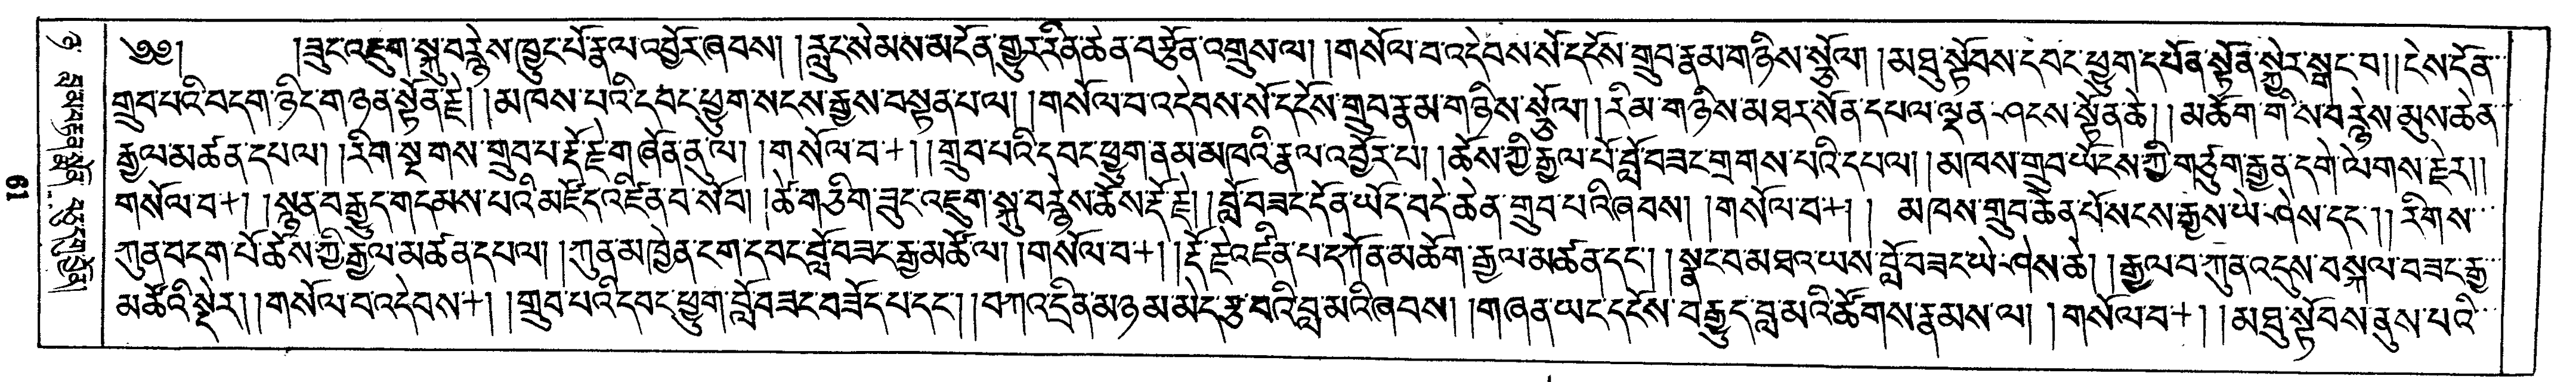༄༅། །ཟུང་འཇུག་སྐུ་བརྙེས་ཁྱུང་པོ་རྣལ་འབྱོར་ཞབས། །རླུང་སེམས་མངོན་གྱུར་རིན་ཆེན་བརྩོན་འགྲུས་ལ། །གསོལ་བ་འདེབས་སོ་དངོས་གྲུབ་རྣམ་གཉིས་སྩོལ། །མཐུ་སྟོབས་དབང་ཕྱུག་དཔོན་སྟོན་སྐྱེར་སྒང་པ། །དེས་དོན་
གྲུབ་པའི་བདག་ཉིད་གཉན་སྟོན་རྗེ། །མཁས་པའི་དབང་ཕྱུག་སངས་རྒྱས་བསྟན་པ་ལ། །གསོལ་བ་འདེབས་སོ་དངོས་གྲུབ་རྣམ་གཉིས་སྩོལ། །རིམ་གཉིས་མཐར་སོན་དཔལ་ལྡན་ཤངས་སྟོན་ཆེ། །མཆོག་གི་ས་བརྙེས་མུས་ཆེན་
རྒྱལ་མཚན་དཔལ། །རིག་སྔགས་གྲུབ་པ་རྡོ་རྗེ་གཞོན་ནུ་ལ། །གསོལ་བ། །གྲུབ་པའི་དབང་ཕྱུག་ནམ་མཁའི་རྣལ་འབྱོར་པ། །ཆོས་ཀྱི་རྒྱལ་པོ་བློ་བཟང་གྲགས་པའི་དཔལ། །མཁས་གྲུབ་ཡོངས་ཀྱི་གཙུག་རྒྱན་དགེ་ལེགས་རྗེར།།
གསོལ་བ། །སྙན་བརྒྱུད་གདམས་པའི་མཛོད་འཛིན་བ་སོ་བ། །ཚེ་གཅིག་ཟུང་འཇུག་སྐུ་བརྙེས་ཆོས་རྡོ་རྗེ། །བློ་བཟང་དོན་ཡོད་བདེ་ཆེན་གྲུབ་པའི་ཞབས། །གསོལ་བ། མཁས་གྲུབ་ཆེན་པོ་སངས་རྒྱས་ཡེ་ཤེས་དང་། །རིགས་
ཀུན་བདག་པོ་ཆོས་ཀྱི་རྒྱལ་མཚན་དཔལ། །ཀུན་མཁྱེན་ངག་དབང་བློ་བཟང་རྒྱ་མཚོ་ལ། །གསོལ་བ། །རྡོ་རྗེ་འཛིན་པ་དཀོན་མཆོག་རྒྱལ་མཚན་དང་། །སྣང་བ་མཐའ་ཡས་བློ་བཟང་ཡེ་ཤེས་ཆེ། །རྒྱལ་བ་ཀུན་འདུས་བསྐལ་བཟང་རྒྱ་
མཚོའི་སྡེར། །གསོལ་བ་འདེབས། །གྲུབ་པའི་དབང་ཕྱུག་བློ་བཟང་བཟོད་པ་དང་། །བཀའ་དྲིན་མཉམ་མེད་རྩ་བའི་བླ་མའི་ཞབས། །གཞན་ཡང་དངོས་བརྒྱུད་བླ་མའི་ཚོགས་རྣམས་ལ། །གསོལ་བ། །མཐུ་སྟོབས་ནུས་པའི་